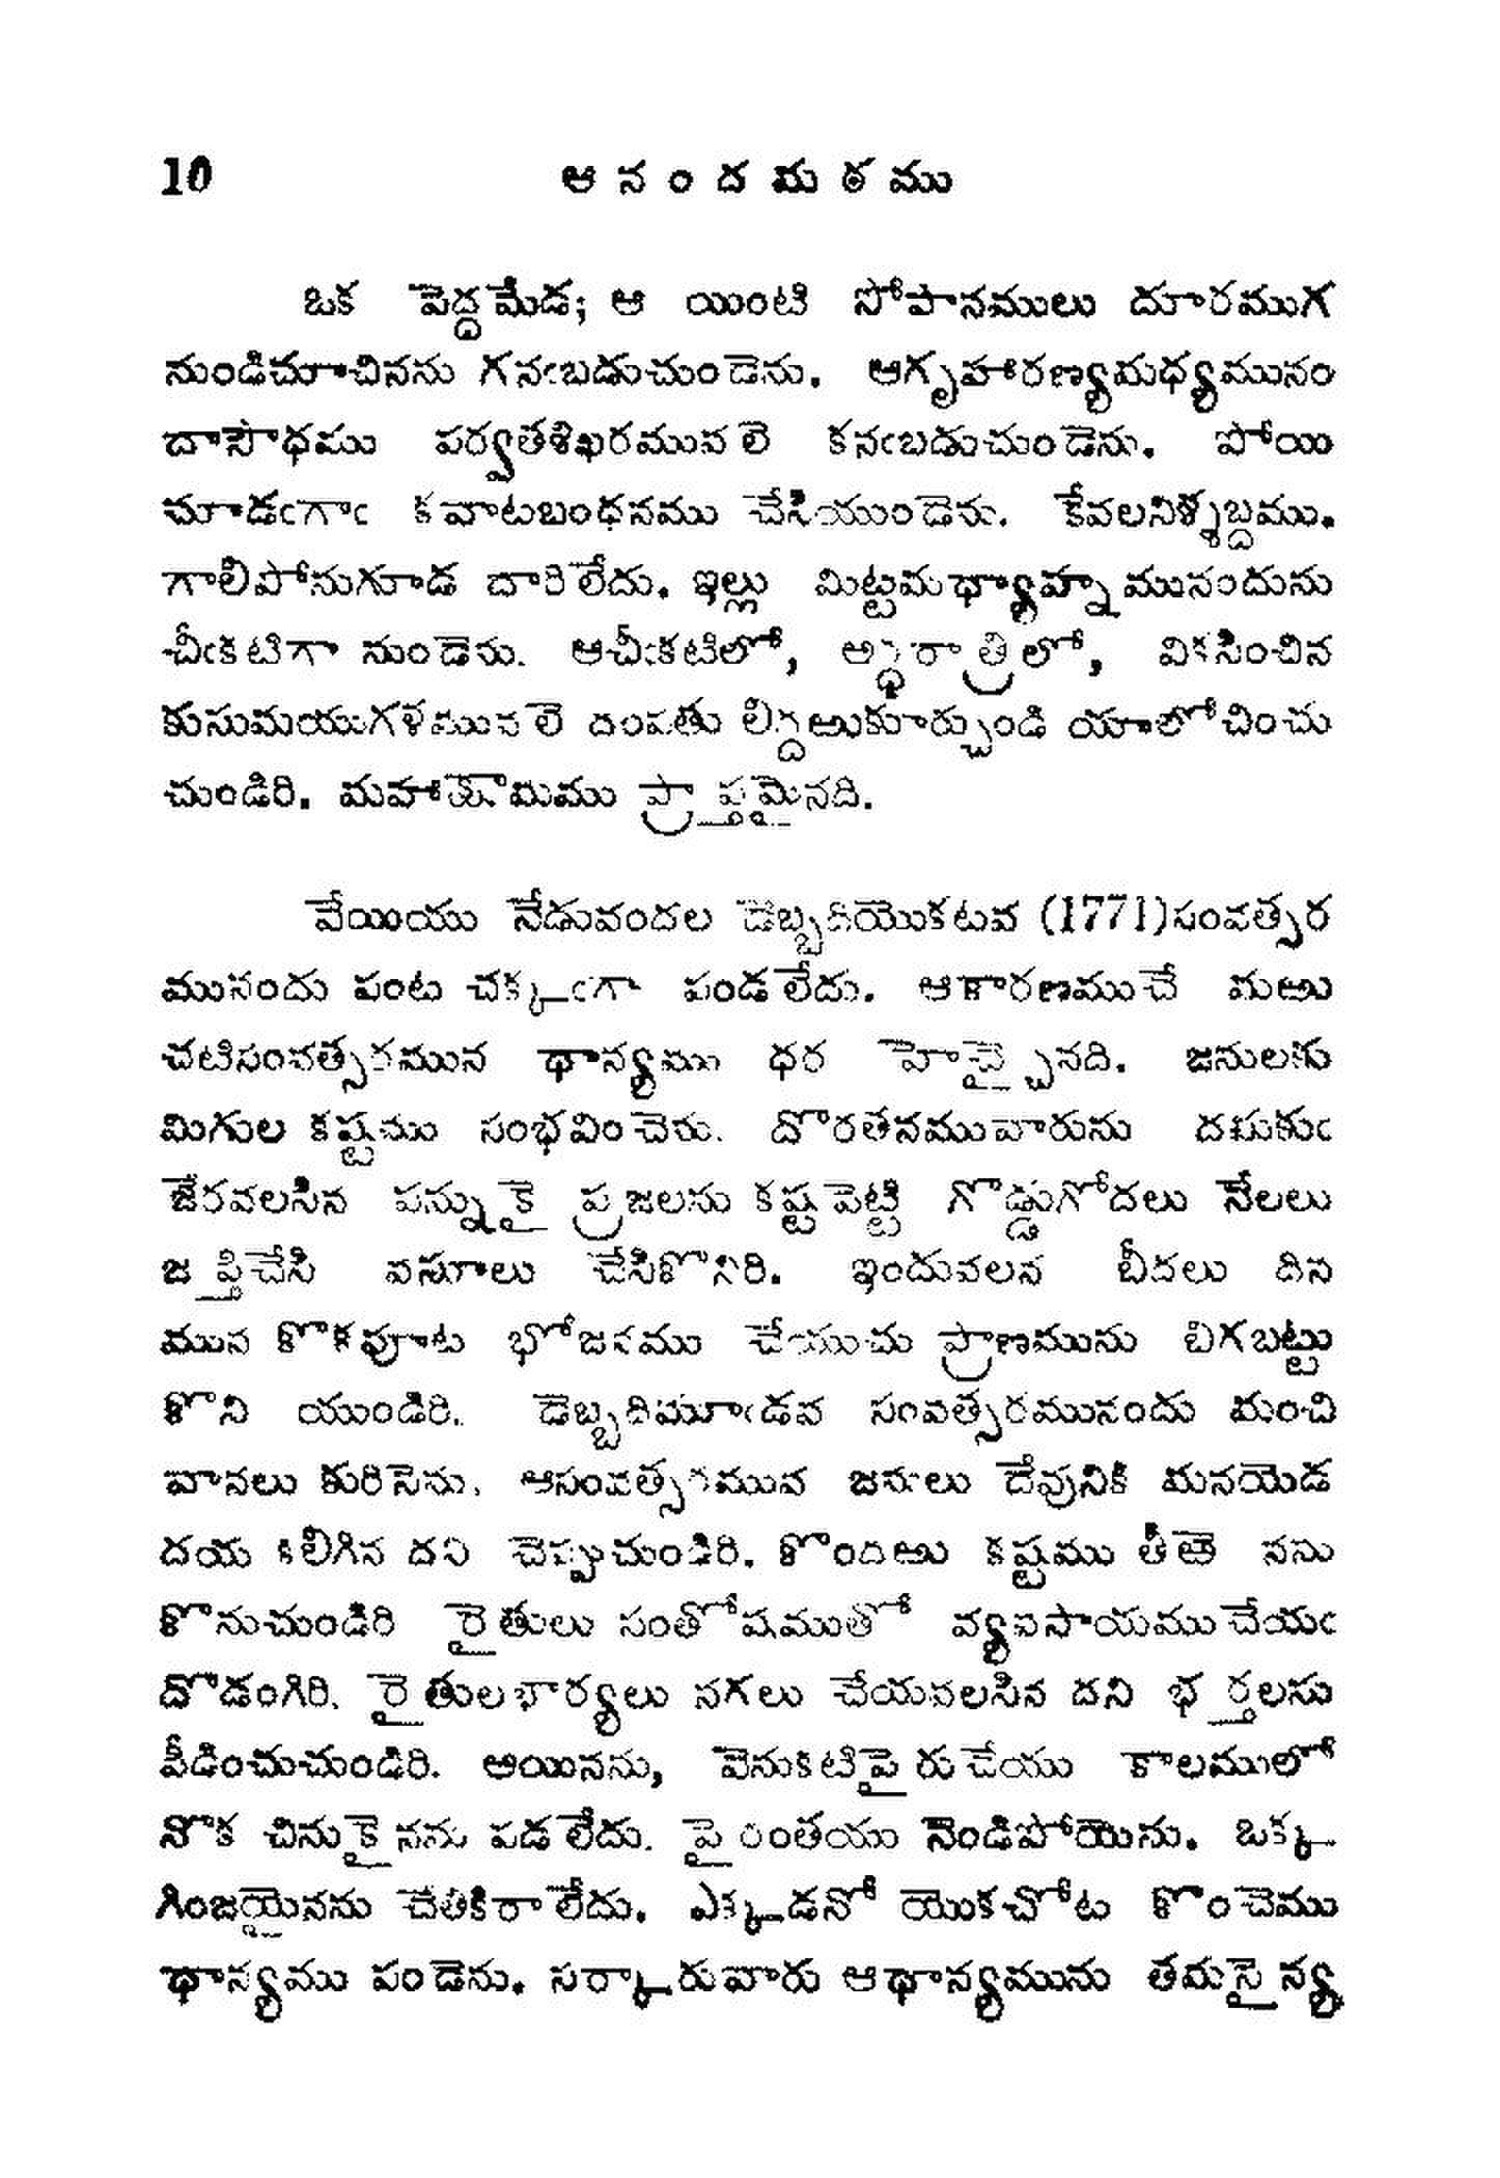ఒక పెద్ద మేడ; ఆ యింటి సోపానములు దూరముగ నుండి చూచినను గనఁబడుచుండెను. ఆగృహారణ్యమధ్యమునందాసౌధము పర్వతశిఖరమువలె కనఁబడుచుండెను. పోయి చూడఁగాఁ కవాటబంధనము చేసియుండెను. కేవలనిశ్శబ్దము. గాలిపోనుగూడ దారిలేదు. ఇల్లు మిట్టమధ్యాహ్నమునందును చీకటిగా నుండెను. ఆచీఁకటిలో, అర్ధరాత్రిలో, వికసించిన కుసుమయుగళమువలె దంపతు లిద్దఱుకూర్చుండి యాలోచించు చుండిరి. మహాక్షామము ప్రాప్తమైనది.

వేయియు నేడువందల డెబ్బది యొకటవ (1771)సంవత్సరమునందు పంట చక్కఁగా పండ లేదు. ఆకారణముచే మఱుచటిసంవత్సరమున ధాన్యము ధర హెచ్చైనది. జనులకు మిగుల కష్టము సంభవించెను. దొరతనము వారును దమకుఁ జేరవలసిన పన్నుకై ప్రజలను కష్టపెట్టి గొడ్డుగోదలు నేలలు జప్తి చేసి వసూలు చేసికొనిరి. ఇందువలన బీదలు దినమున కొక పూట భోజనము చేయుచు ప్రాణమును బిగబట్టుకొని యుండిరి. డెబ్బదిమూఁడవ సంవత్సరమునందు మంచి వానలు కురిసెను, ఆసంవత్సరమున జనులు దేవునికి మనయెడ దయ కలిగినదని చెప్పుచుండిరి. కొందఱు కష్టము తీఱె నను కొనుచుండిరి రైతులు సంతోషముతో వ్యవసాయము చేయఁ దొడంగిరి, రైతుల భార్యలు నగలు చేయవలసిన దని భర్తలను పీడించుచుండిరి. అయినను, 'వెనుకటి పైరుచేయు కాలములో నొక చినుకైనను పడలేదు. పై రంతయు నెండిపోయెను. ఒక్క గింజయైనను చేతికి రాలేదు. ఎక్కడనో యొక చోట కొంచెము ధాన్యము పండెను. సర్కారు వారు ఆ ధాన్యమును తమసైన్య